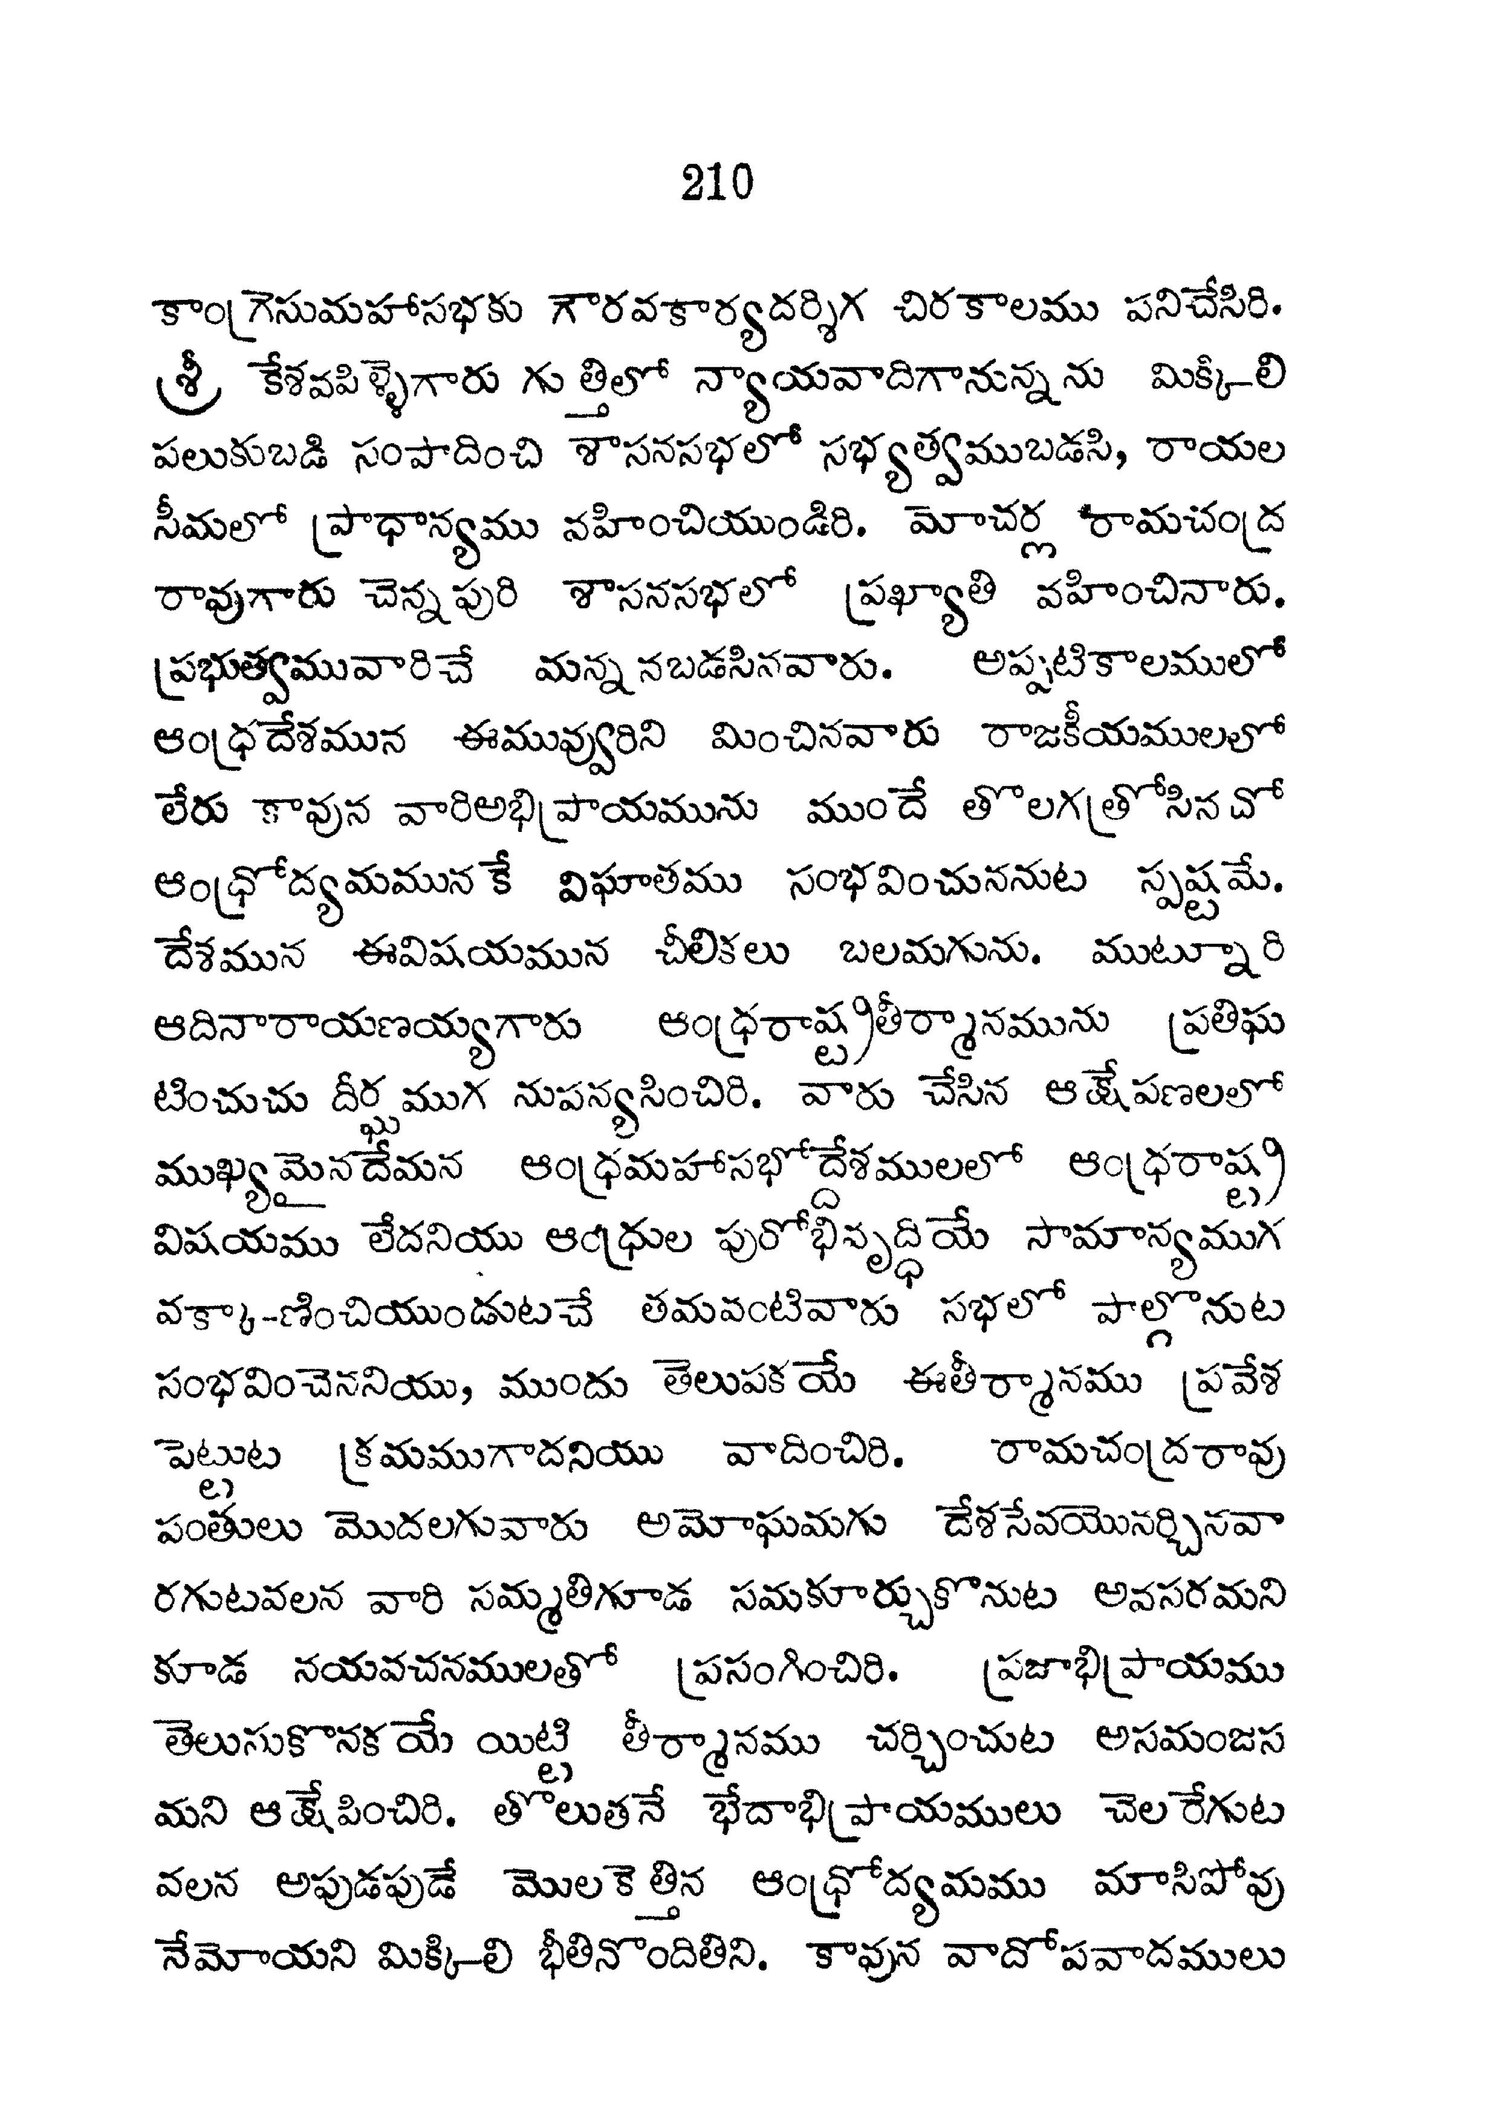కాంగ్రెసుమహాసభకు గౌరవకార్యదర్శిగ చిరకాలము పనిచేసిరి. శ్రీ కేశవపిళ్ళెగారు గుత్తిలో న్యాయవాదిగానున్నను మిక్కిలి పలుకుబడి సంపాదించి శాసనసభలో సభ్యత్వముబడసి, రాయలసీమలో ప్రాధాన్యము వహించియుందిరి. మోచర్ల రామచంద్రరావుగారు చెన్నపురి శాసనసభలో ప్రఖ్యాతి వహించినారు. ప్రభుత్వమువారిచే మన్ననబడసినవారు. అప్పటికాలములో ఆంధ్రదేశమున ఈమువ్వురిని మించినవారు రాజకీయములలో లేరు కావున వారిఅభిప్రాయమును ముందే తొలగత్రోసినచో ఆంధ్రోద్యమమునకే విఘాతము సంభవించుననుట స్పష్టమే. దేశమున ఈవిషయమున చీలికలు బలమగును. ముట్నూరి ఆదినారాయణయ్యగారు ఆంధ్రరాష్ట్రతీర్మానమును ప్రతిఘటించుచు దీర్ఘముగ నుపన్యసించిరి. వారు చేసిన ఆక్షేపణలలో ముఖ్యమైనదేమన ఆంధ్రమహాసభోద్దేశములలో ఆంధ్రరాష్ట్ర విషయము లేదనియు ఆంధ్రుల పురోభివృద్ధియే సామాన్యముగ వక్కాణించియుండుటచే తమవంటివారు సభలో పాల్గొనుట సంభవించెననియు, ముందు తెలుపకయే ఈతీర్మానము ప్రవేశపెట్టుట క్రమముగాదనియు వాదించిరి. రామచంద్రరావుపంతులు మొదలగువారు అమోఘమగు దేశసేవయొనర్చినవారగుటవలన వారి సమ్మతిగూడ సమకూర్చుకొనుట అవసరమని కూడ నయవచనములతో ప్రసంగించిరి. ప్రజాభిప్రాయము తెలుసుకొనకయే యిట్టి తీర్మానము చర్చించుట అసమంజసమని ఆక్షేపించిరి. తొలుతనే భేదాభిప్రాయములు చెలరేగుట వలన అపుడపుడే మొలకెత్తిన ఆంధ్రోద్యమము మాసిపోవునేమోయని మిక్కిలి భీతినొందితిని. కావున వాదోపవాదములు